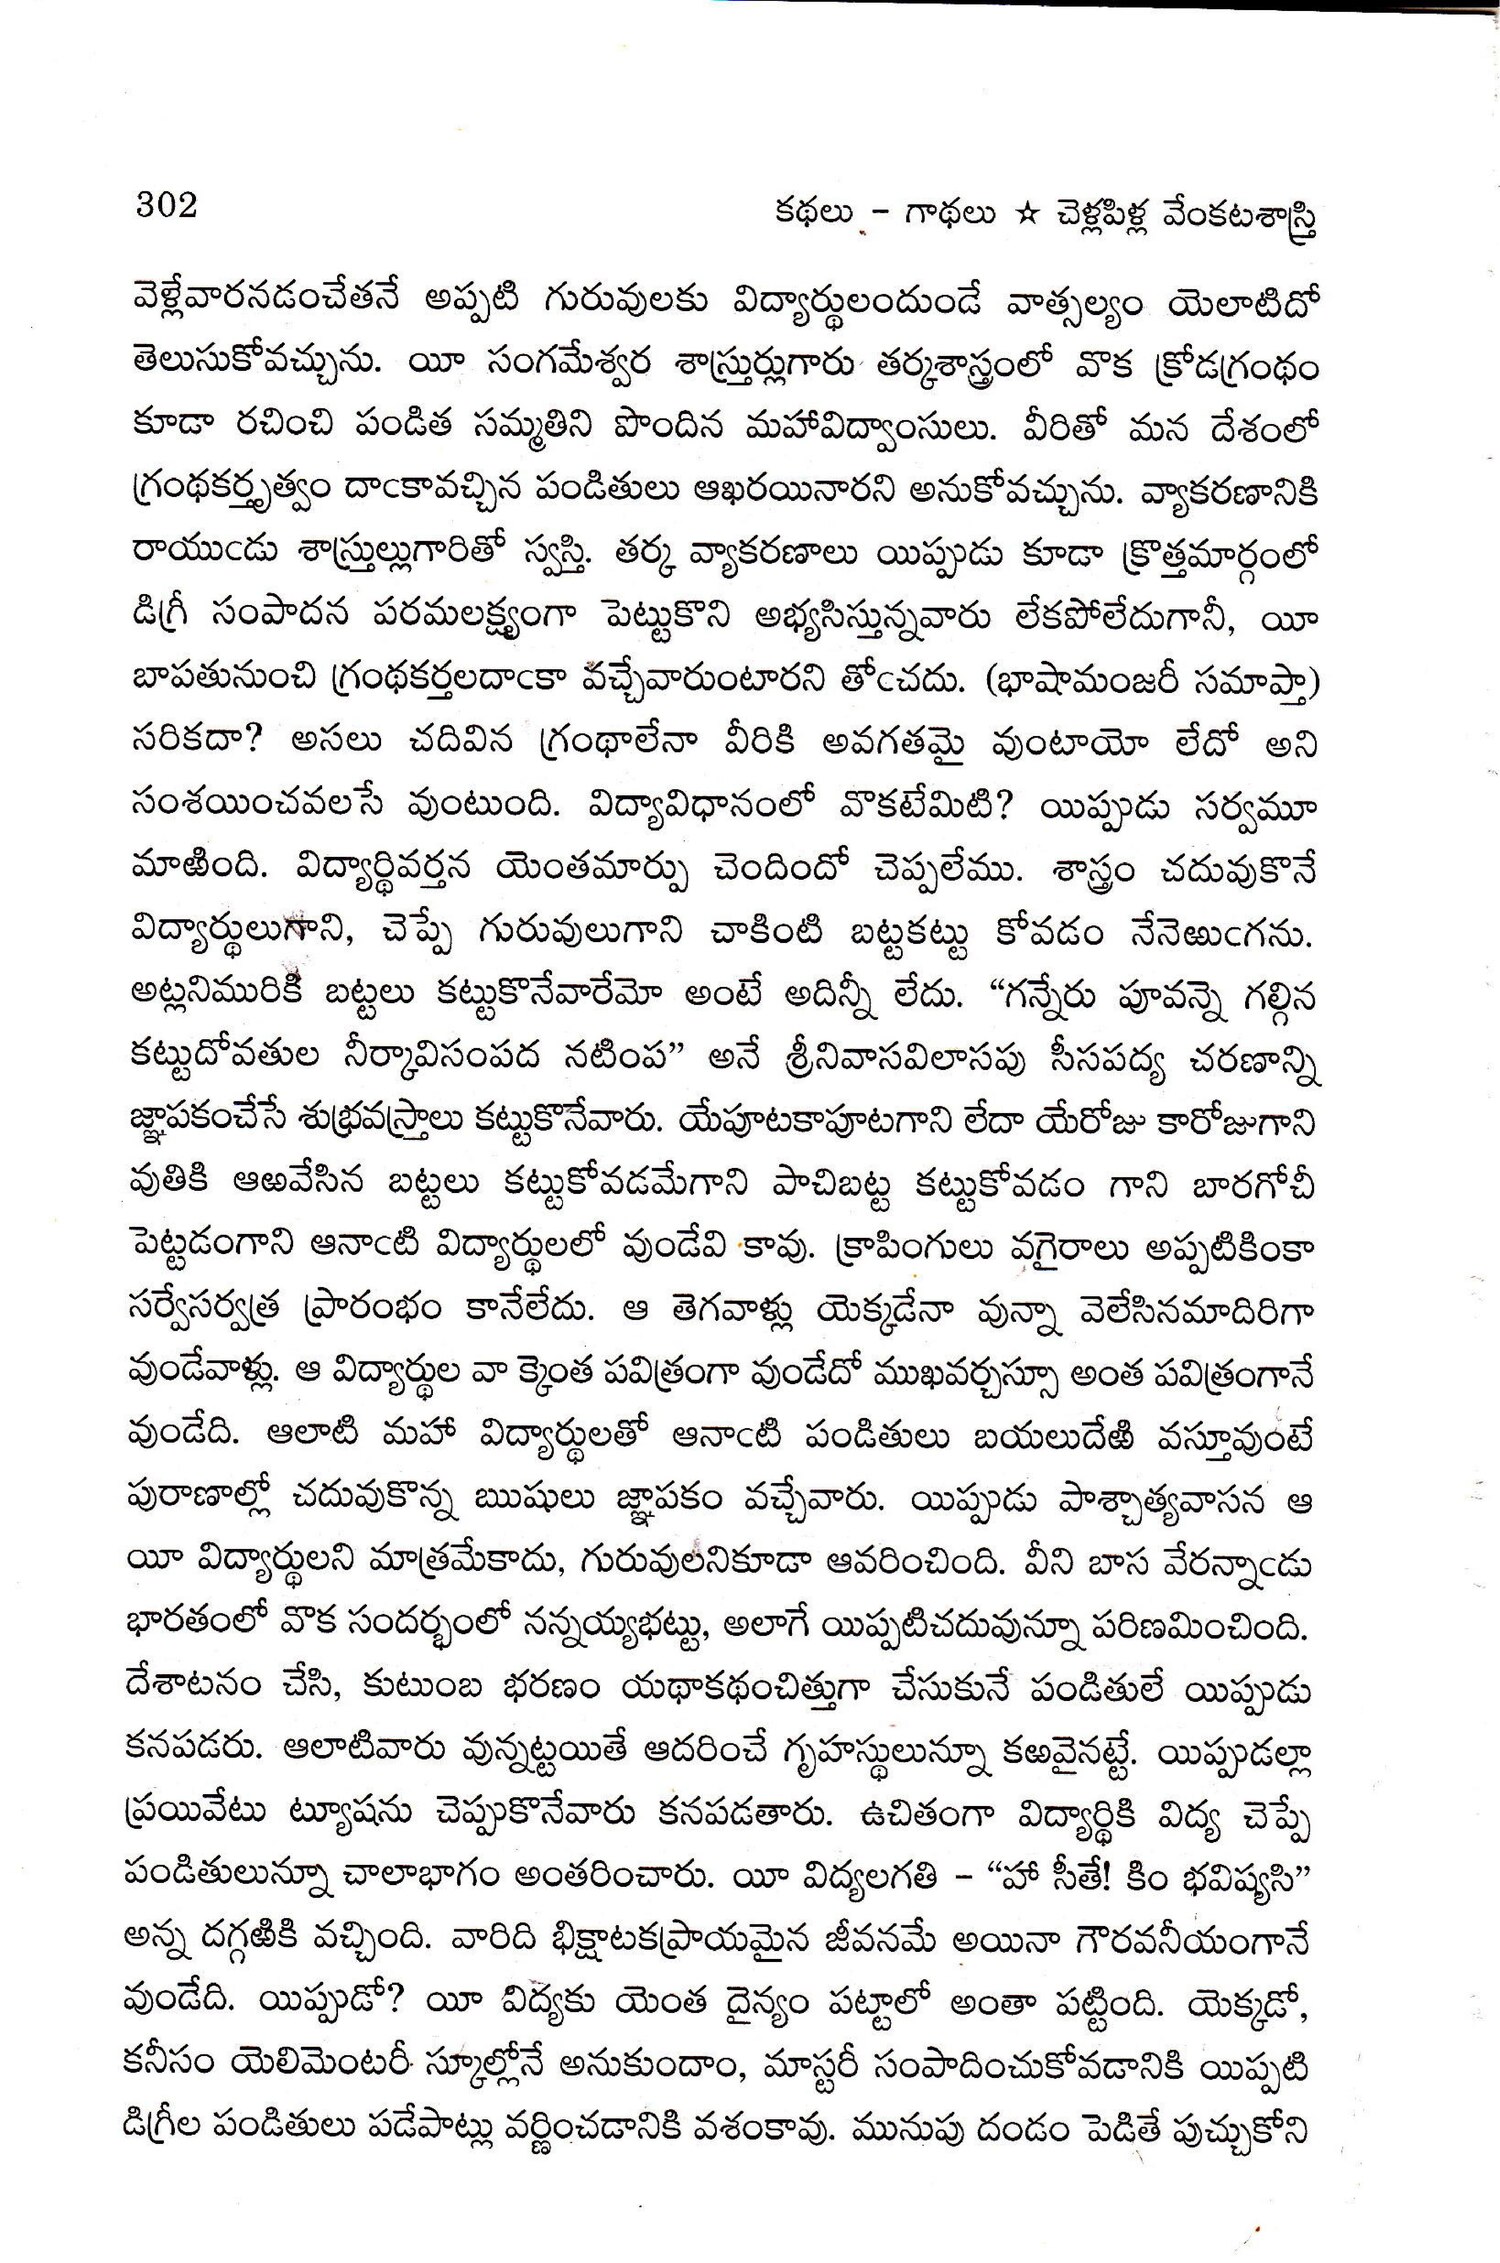వెళ్లేవారనడంచేతనే అప్పటి గురువులకు విద్యార్థులందుండే వాత్సల్యం యెలాటిదో తెలుసుకోవచ్చును. యీ సంగమేశ్వర శాస్త్రుర్లుగారు తర్కశాస్త్రంలో వొక క్రోడగ్రంథం కూడా రచించి పండిత సమ్మతిని పొందిన మహావిద్వాంసులు. వీరితో మన దేశంలో గ్రంథకర్తృత్వం దాఁకావచ్చిన పండితులు ఆఖరయినారని అనుకోవచ్చును. వ్యాకరణానికి రాయుఁడు శాస్త్రుల్లుగారితో స్వస్తి. తర్క వ్యాకరణాలు యిప్పుడు కూడా క్రొత్తమార్గంలో డిగ్రీ సంపాదన పరమలక్ష్యంగా పెట్టుకొని అభ్యసిస్తున్నవారు లేకపోలేదుగానీ, యీ బాపతునుంచి గ్రంథకర్తలదాఁకా వచ్చేవారుంటారని తోఁచదు. (భాషామంజరీ సమాప్తా) సరికదా? అసలు చదివిన గ్రంథాలేనా వీరికి అవగతమై వుంటాయో లేదో అని సంశయించవలసే వుంటుంది. విద్యావిధానంలో వొకటేమిటి? యిప్పుడు సర్వమూ మాఱింది. విద్యార్థివర్తన యెంతమార్పు చెందిందో చెప్పలేము. శాస్త్రం చదువుకొనే విద్యార్థులుగాని, చెప్పే గురువులుగాని చాకింటి బట్టకట్టు కోవడం నేనెఱుఁగను. అట్లనిమురికి బట్టలు కట్టుకొనేవారేమో అంటే అదిన్నీ లేదు. “గన్నేరు పూవన్నె గల్గిన కట్టుదోవతుల నీర్కావిసంపద నటింప" అనే శ్రీనివాసవిలాసపు సీసపద్య చరణాన్ని జ్ఞాపకంచేసే శుభ్రవస్త్రాలు కట్టుకొనేవారు. యేపూటకాపూటగాని లేదా యేరోజు కారోజుగాని వుతికి ఆఱవేసిన బట్టలు కట్టుకోవడమేగాని పాచిబట్ట కట్టుకోవడం గాని బారగోచీ పెట్టడంగాని ఆనాఁటి విద్యార్థులలో వుండేవి కావు. క్రాపింగులు వగైరాలు అప్పటికింకా సర్వేసర్వత్ర ప్రారంభం కానేలేదు. ఆ తెగవాళ్లు యెక్కడేనా వున్నా వెలేసినమాదిరిగా వుండేవాళ్లు. ఆ విద్యార్థుల వా క్కెంత పవిత్రంగా వుండేదో ముఖవర్చస్సూ అంత పవిత్రంగానే వుండేది. ఆలాటి మహా విద్యార్థులతో ఆనాఁటి పండితులు బయలుదేఱి వస్తూవుంటే పురాణాల్లో చదువుకొన్న ఋషులు జ్ఞాపకం వచ్చేవారు. యిప్పుడు పాశ్చాత్యవాసన ఆ యీ విద్యార్థులని మాత్రమేకాదు, గురువులనికూడా ఆవరించింది. వీని బాస వేరన్నాఁడు భారతంలో వొక సందర్భంలో నన్నయ్యభట్టు, అలాగే యిప్పటిచదువున్నూ పరిణమించింది. దేశాటనం చేసి, కుటుంబ భరణం యథాకథంచిత్తుగా చేసుకునే పండితులే యిప్పుడు కనపడరు. ఆలాటివారు వున్నట్టయితే ఆదరించే గృహస్థులున్నూ కఱవైనట్టే. యిప్పుడల్లా ప్రయివేటు ట్యూషను చెప్పుకొనేవారు కనపడతారు. ఉచితంగా విద్యార్థికి విద్య చెప్పే పండితులున్నూ చాలాభాగం అంతరించారు. యీ విద్యలగతి - “హా సీతే! కిం భవిష్యసి" అన్న దగ్గఱికి వచ్చింది. వారిది భిక్షాటకప్రాయమైన జీవనమే అయినా గౌరవనీయంగానే వుండేది. యిప్పడో? యీ విద్యకు యెంత దైన్యం పట్టాలో అంతా పట్టింది. యెక్కడో, కనీసం యెలిమెంటరీ స్కూల్లోనే అనుకుందాం, మాస్టరీ సంపాదించుకోవడానికి యిప్పటి డిగ్రీల పండితులు పడేపాట్లు వర్ణించడానికి వశంకావు. మునుపు దండం పెడితే పుచ్చుకోని